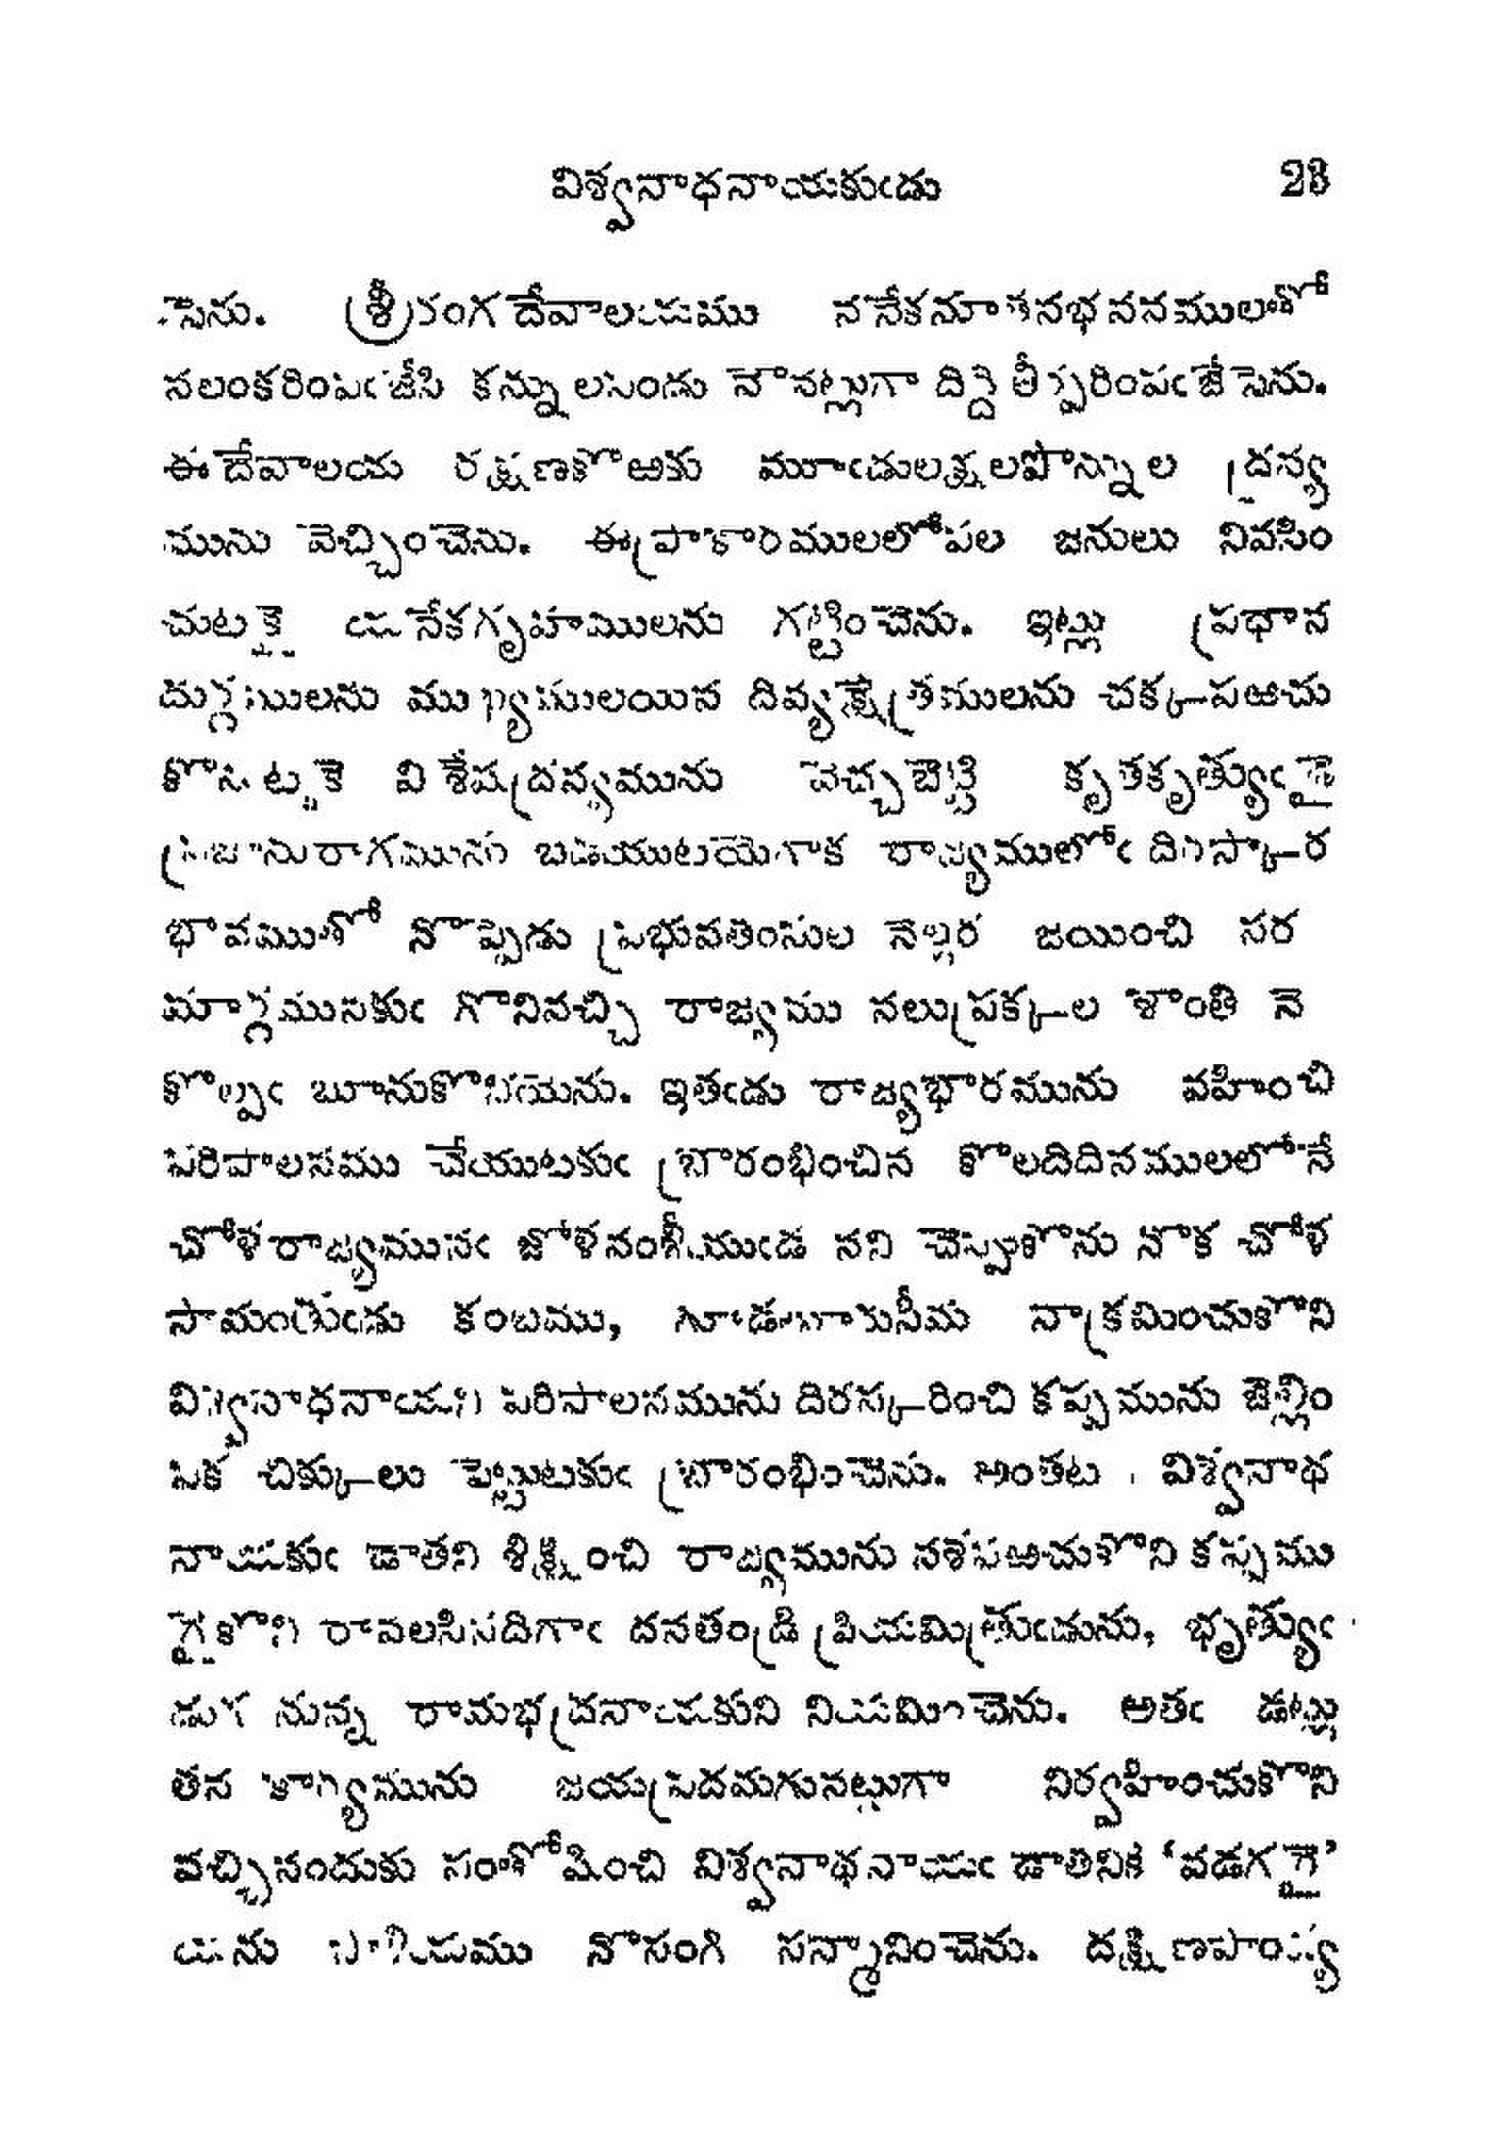సెను. శ్రీరంగదేవాలయము ననేకనూతనభవనములతో నలంకరింపఁజేసి కన్నులపండు వౌనట్లుగా దిద్ది తీర్పరింపఁజేసెను. ఈదేవాలయ రక్షణకొఱకు మూఁడులక్షలపొన్నుల ద్రవ్యమును వెచ్చించెను. ఈప్రాకారములలోపల జనులు నివసించుటకై యనేకగృహములను గట్టించెను. ఇట్లు ప్రధాన దుర్గములను ముఖ్యములయిన దివ్యక్షేత్రములను చక్కపఱచుకొనుటకై విశేషద్రవ్యమును వెచ్చబెట్టి కృతకృత్యుఁడై ప్రజానురాగమును బడయుటయెగాక రాజ్యములోఁ దిరస్కార భావముతో నొప్పెడు ప్రభువతంసుల నెల్లర జయించి సరయిన మార్గమునకుఁ గొనివచ్చి రాజ్యము నలుప్రక్కల శాంతి నెలకొల్పఁ బూనుకొనియెను. ఇతఁడు రాజ్యభారమును వహించి పరిపాలనము చేయుటకుఁ బ్రారంభించిన కొలదిదినములలోనే చోళరాజ్యమునఁ జోళవంశీయుఁడ నని చెప్పుకొను నొక చోళ సామంతుఁడు కంబము, గూడలూరుసీమ నాక్రమించుకొని విశ్వనాథనాయని పరిపాలనమును దిరస్కరించి కప్పమును జెల్లించక చిక్కులు పెట్టుటకుఁ బ్రారంభించెను. అంతట విశ్వనాథనాయకుఁ డాతని శిక్షించి రాజ్యమును వశపఱచుకొని కప్పము గైకొని రావలసినదిగాఁ దనతండ్రి ప్రియమిత్రుఁడును, భృత్యుఁడుగ నున్న రామభద్రనాయకుని నియమించెను. అతఁ డట్లు తన కార్యమును జయప్రదమగునట్లుగా నిర్వహించుకొని వచ్చినందుకు సంతోషించి విశ్వనాథనాయఁ డాతనికి 'వడగరై' యను పాళియము నొసంగి సన్మానించెను. దక్షిణపాండ్య